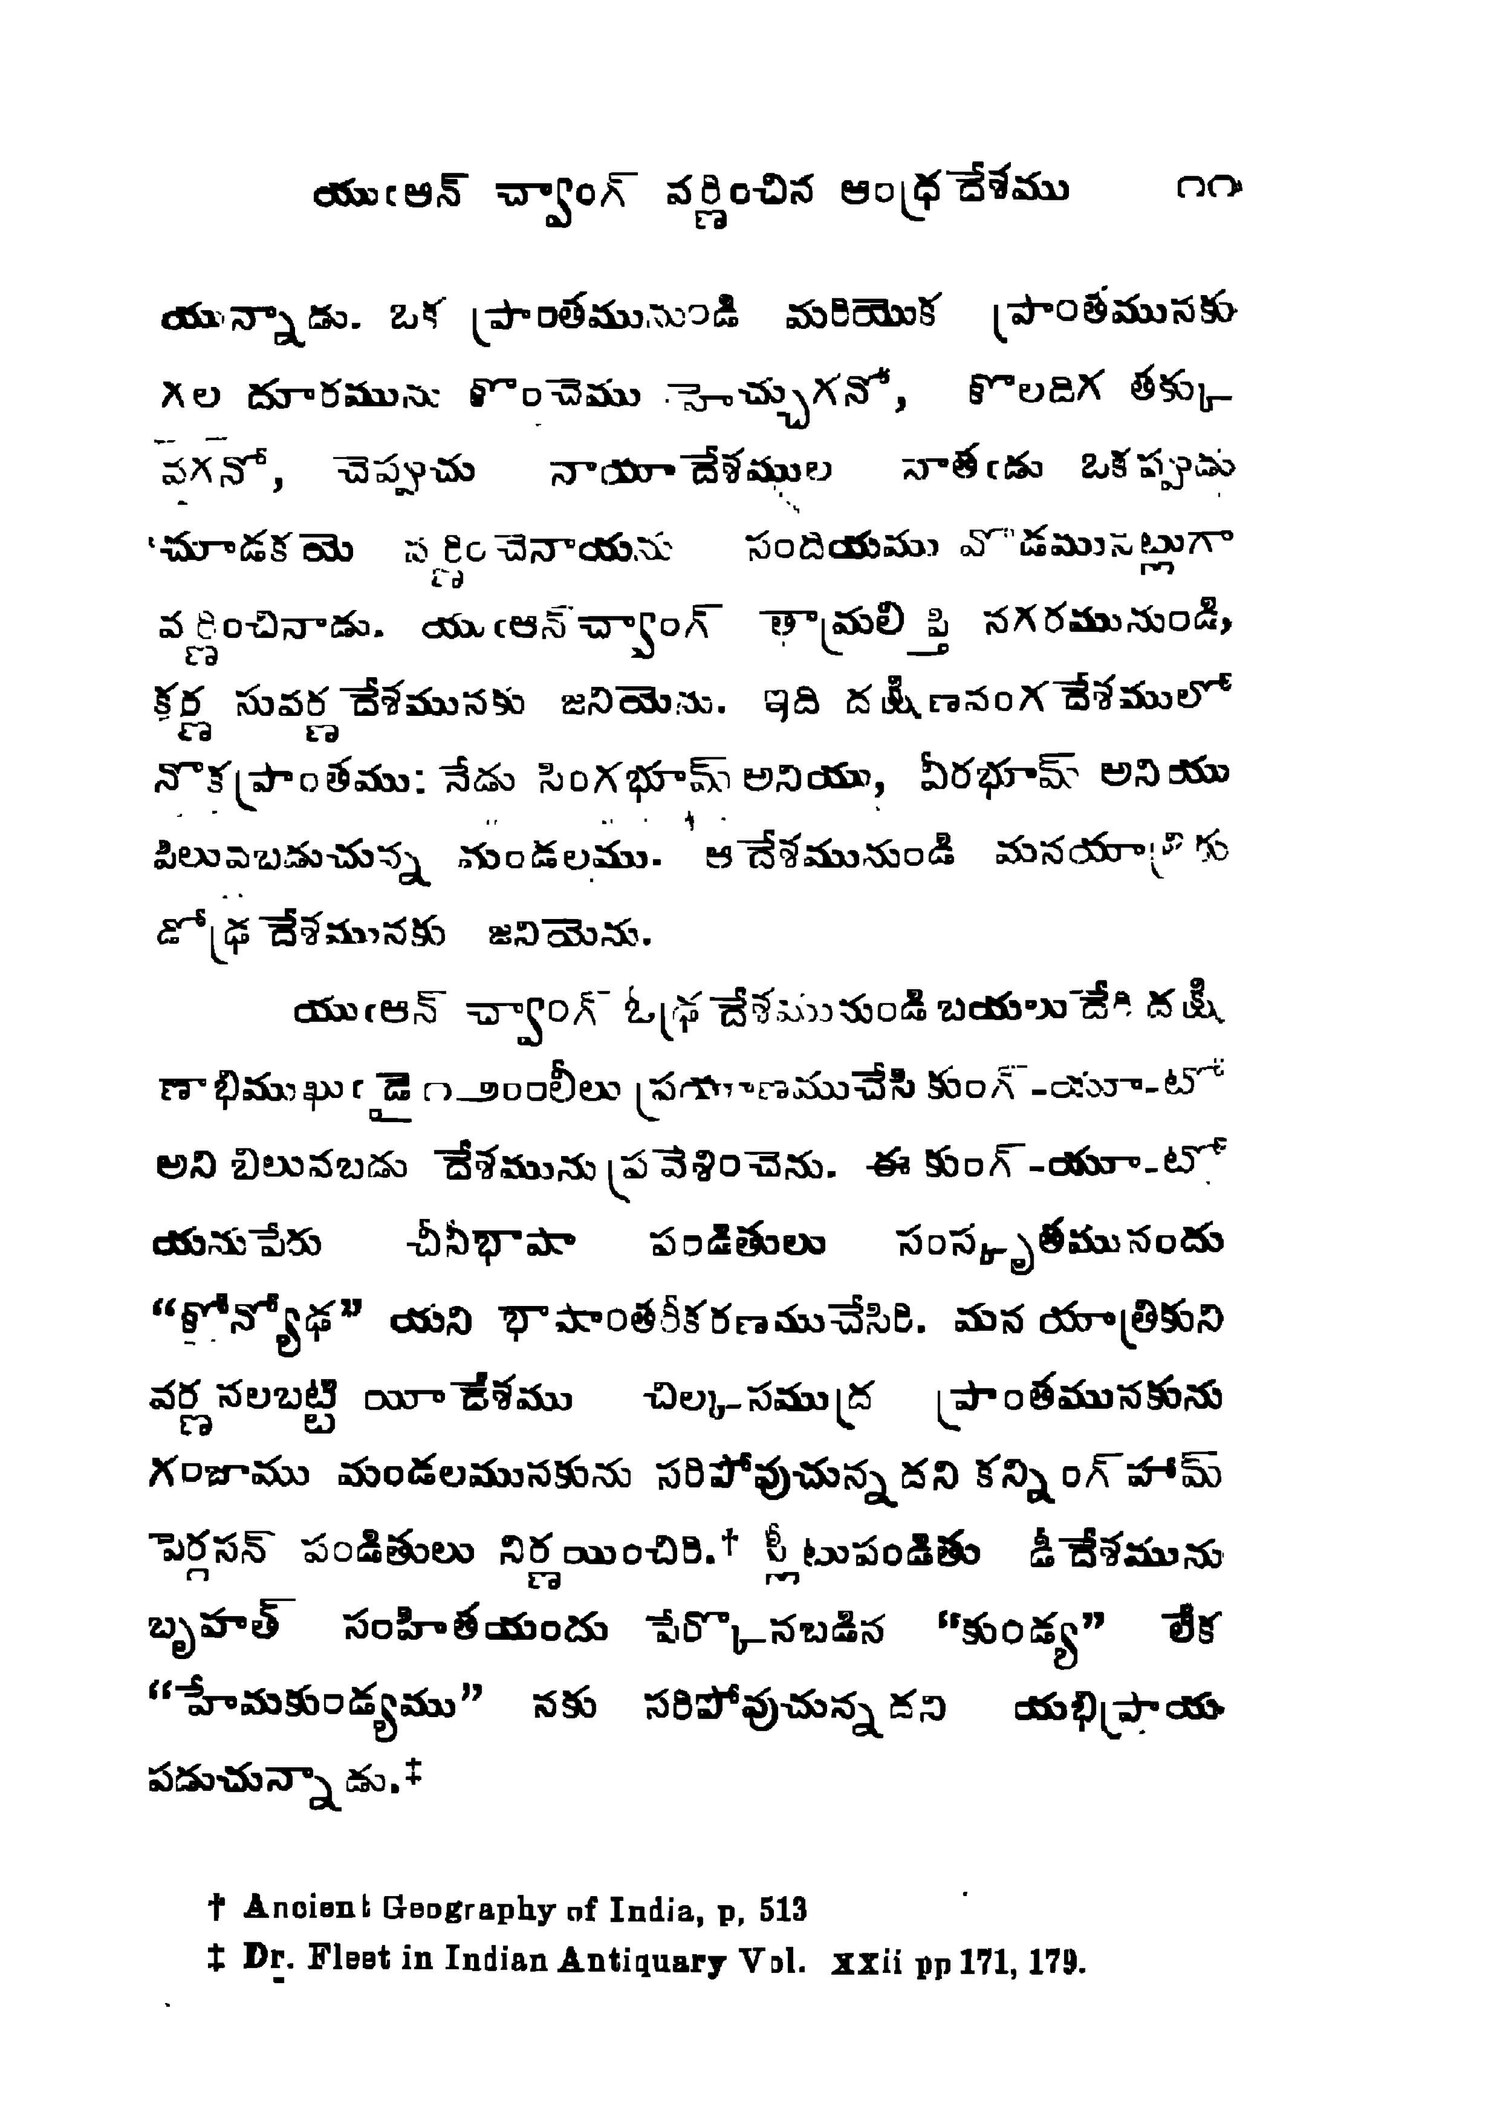యున్నాడు. ఒక ప్రాంతమునుండి మరియొక ప్రాంతమునకు గల దూరమును కొంచెము హెచ్చుగనో, కొలదిగ తక్కువగనో, చెప్పుచు నాయాదేశముల నాతడు ఒకప్పుడు చూడకయె వర్ణించెనాయను సందియము వొడమునట్లుగా వర్ణించినాడు. యుఁఆన్‌ చ్వాంగ్‌ తామ్రలిప్తి నగరమునుండి, కర్ణ సువర్ణ దేశమునకు జనియెను. ఇది దక్షిణ వంగదేశములో నొక ప్రాంతము: నేడు సింగభూమ్‌ అనియు, వీరభూమ్‌ అనియు పిలవబడుచున్న మందలము. ఆదేశమునుండి మనయాత్రికు డోఢ్రదేశమునకు జనియెను.

యుఁఆన్‌ చ్వాంగ్‌ ఓఢ్రదేశమునుండి బయలుదేరి దక్షిణాభిముఖుడై ౧౨౦౦లీలు ప్రమాణము చేసి కుంగ్-యూటో అని బిలువబడు దేశమును ప్రవేశించెను. ఈకుంగ్‌-యూ-టో యనుపేరు చీనీభాషా పండితులు సంస్కృతము నందు "కోన్యోఢ" యని భాషాంతరీకరణము చేసిరి. మనయాత్రికుని వర్ణనలబట్టి యీదేశము చిల్కసముద్ర ప్రాంతమునకును గంజాము మండలమునకును సరిపోవుచున్నదని కన్నింగ్‌ హామ్‌ పెర్కసన్‌ పండితులు నిర్ణయించిరి.. ప్లీటుపండితుడీ దేశమును బృహత్‌ సంహితయందు పేర్కొనబడిన "కుండ్య" లేక "హేమకుండ్యము"నకు సరిపోవుచున్నదని యభిప్రాయ పడుచున్నాడు.